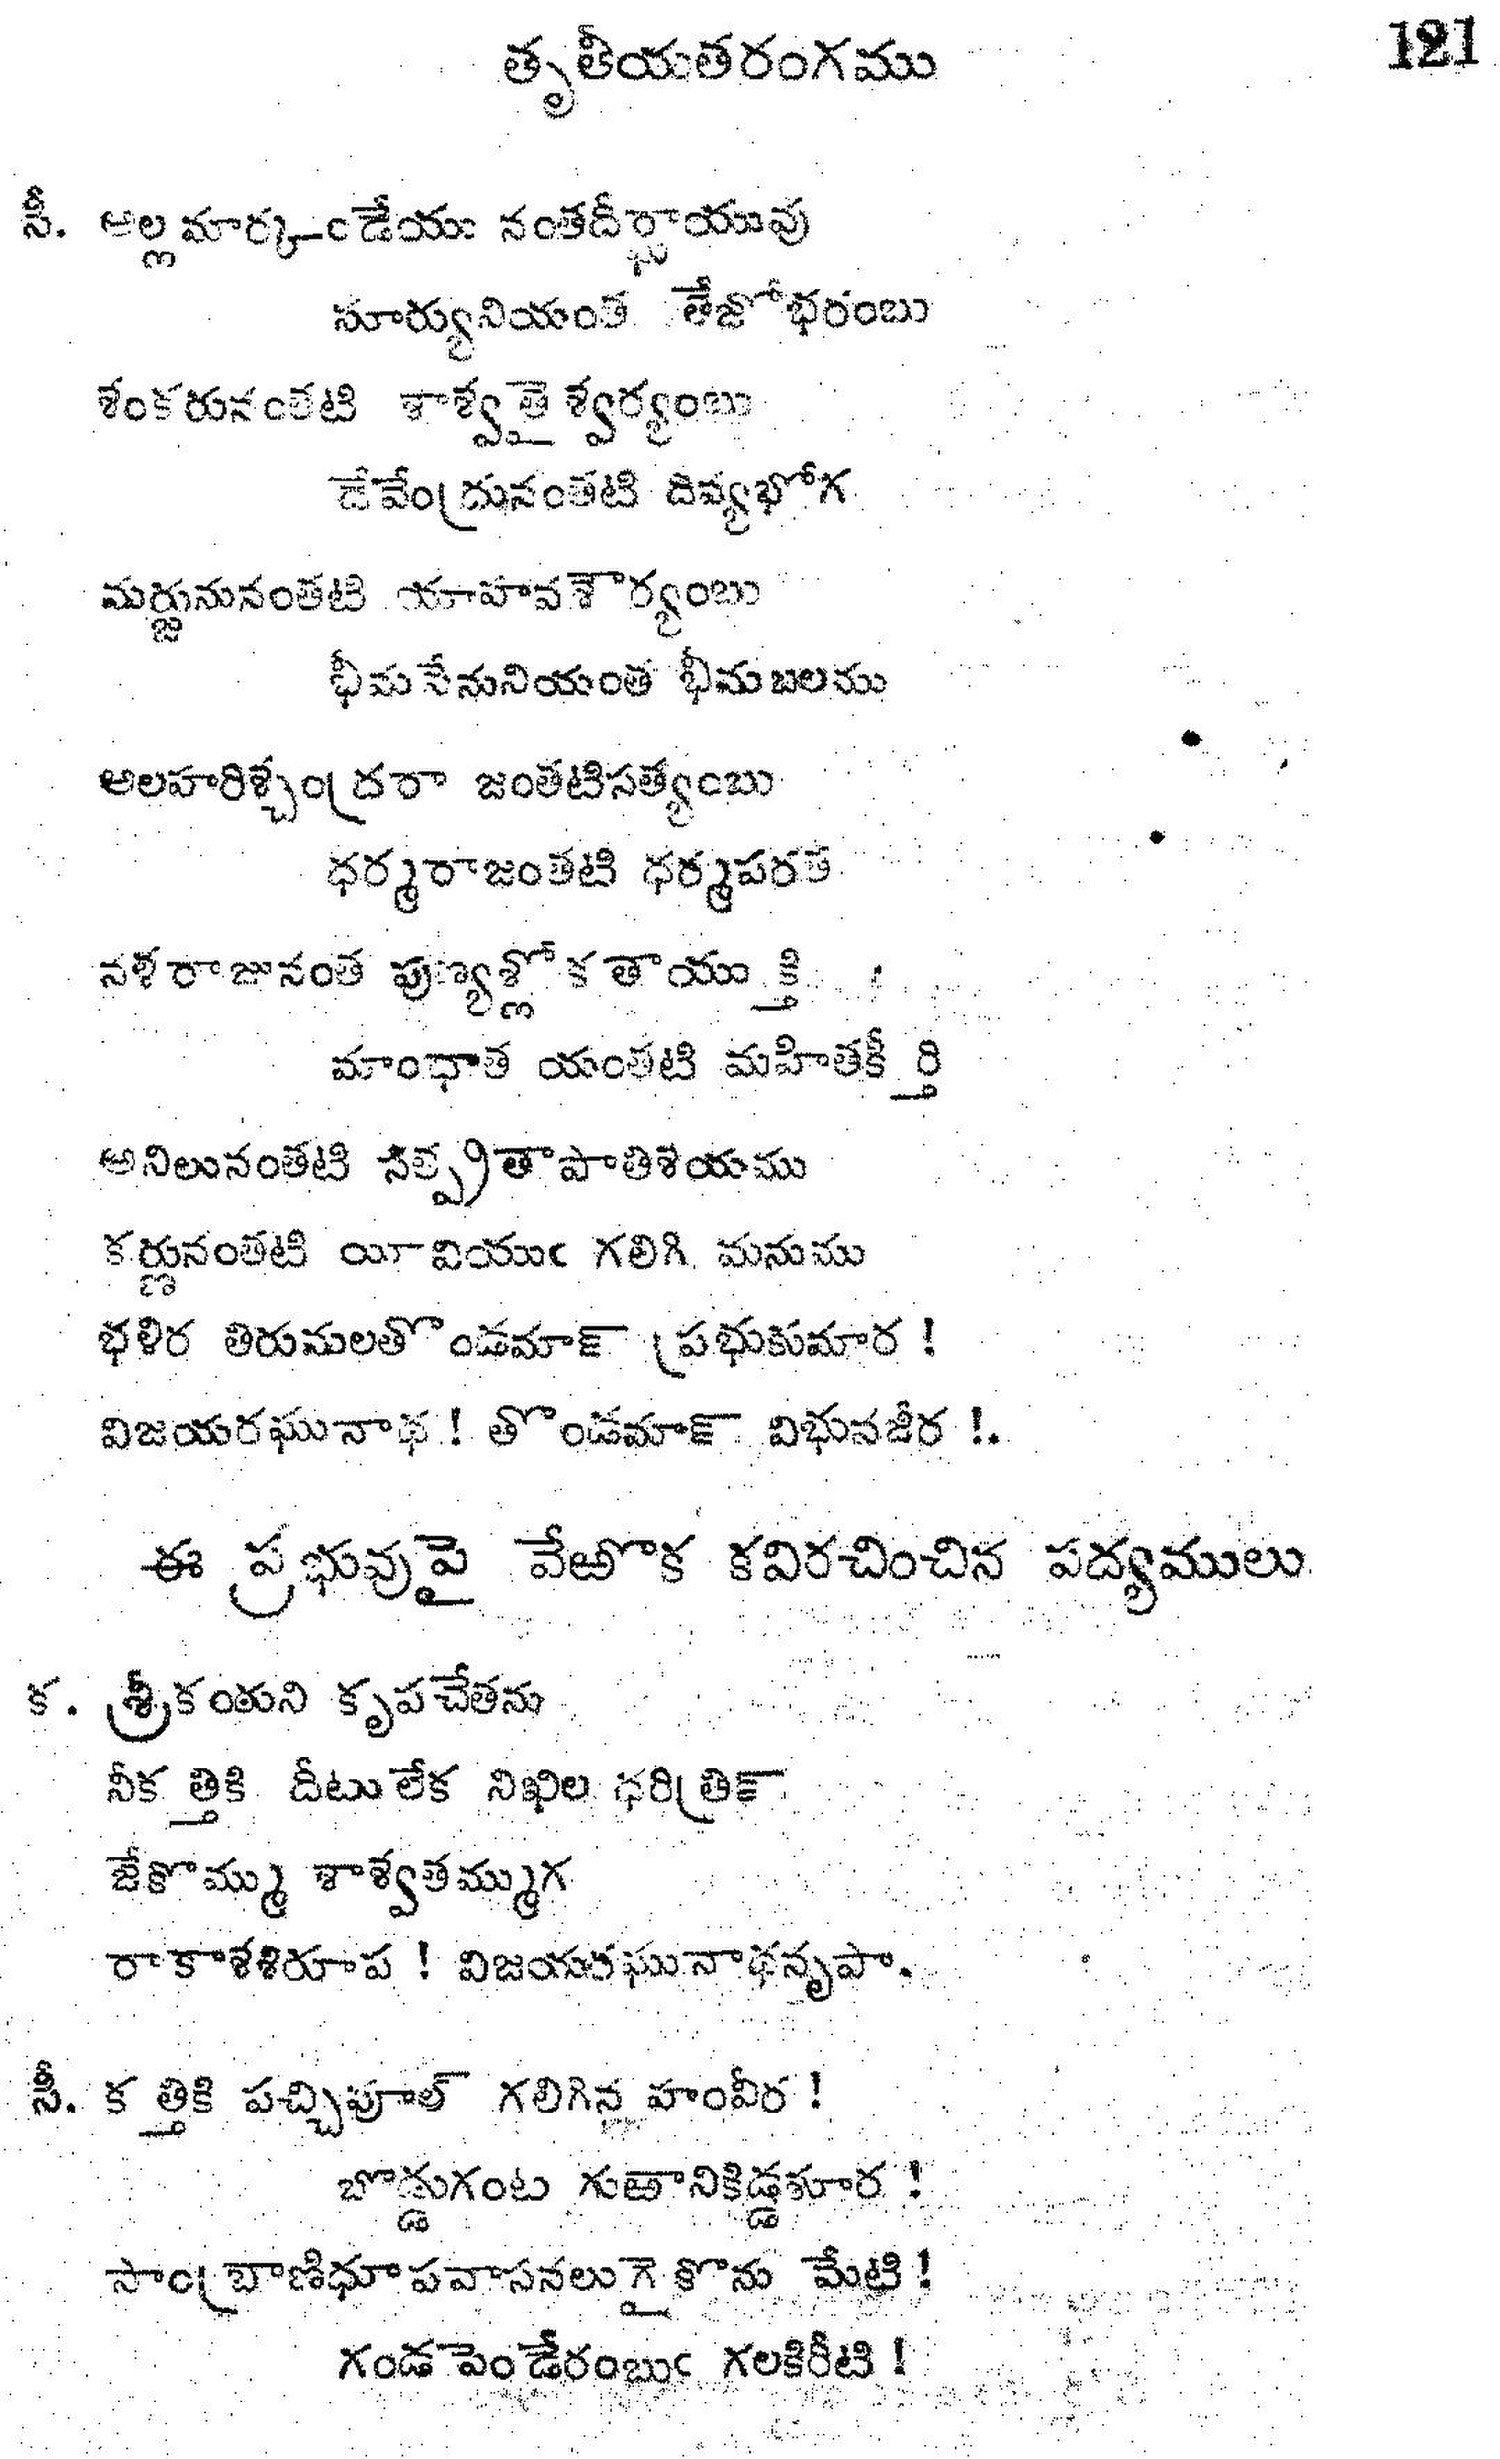సీ. అల్లమార్కండేయు నంతదీర్ఘాయువు
 సూర్యునియంత తేజోభరంబు
 శంకరునంతటి శాశ్వతైశ్వర్యంబు
 దేవేంద్రునంతటి దివ్యభోగ
 మర్జునునంతటి యాహవశౌర్యంబు
 భీమసేనునియంత భీమబలము
 నళరాజునంత పుణ్యశ్లోకతాయుక్తి
 మాంధాతయంతటి మహితకీర్తి
 అనిలునంతటి సత్ప్రతాపాతిశయము
 కర్ణునంతటి యీవియుఁ గలిగి మనుము
 భళిర! తిరుతొండమాన్ ప్రభుకుమార!
 విజయరఘునాథ! తొండమాన్ విభువజీర.

ఈప్రభువుపై వేఱొకకవి రచించిన పద్యములు.

క. శ్రీకంఠుని కృపచేతను
 నీకత్తికి దీటులేక నిఖిలధరిత్రిన్
 జేకొమ్ము శాశ్వతమ్ముగ
 రాకాశశిరూప! విజయరఘునాథనృపా!

సీ. కత్తికి పచ్చిపూల్ గలిగిన హంవీర!
 బొడ్డుగంట గుఱానికిడ్డశూర!
 సాంబ్రాణిధూపవాసనలు గైకొను మేటి!
 గండపెండేరంబుఁ గలకిరీటి!